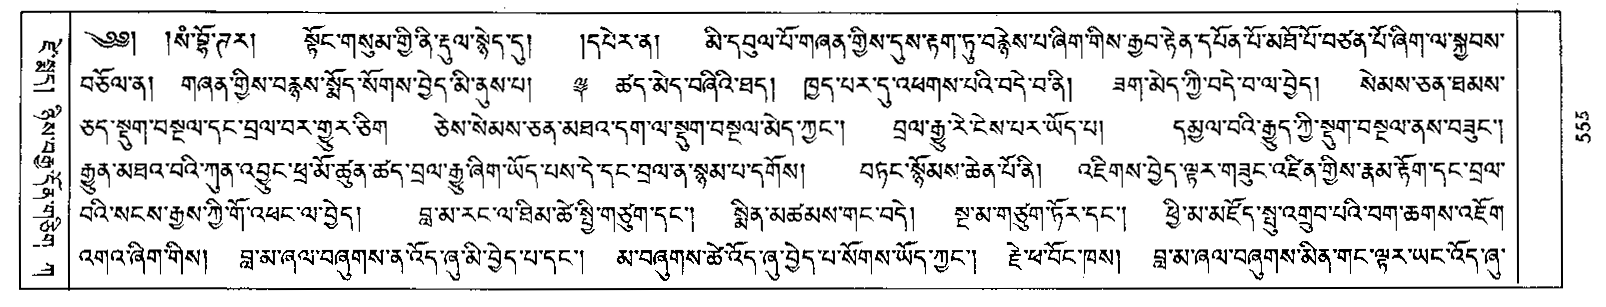༄༅། །སཾ་བྷོ་ཊར། སྟོང་གསུམ་གྱི་ནི་རྡུལ་སྙེད་དུ། །དཔེར་ན། མི་དབུལ་པོ་གཞན་གྱིས་དུས་རྟག་ཏུ་བརྙེས་པ་ཞིག་གིས་རྒྱབ་རྟེན་དཔོན་པོ་མཐོ་པོ་བཙན་པོ་ཞིག་ལ་སྐྱབས་
བཅོལ་ན། གཞན་གྱིས་བརྙས་སྨོད་སོགས་བྱེད་མི་ནུས་པ། ༈ ཚད་མེད་བཞིའི་ཐད། ཁྱད་པར་དུ་འཕགས་པའི་བདེ་བ་ནི། ཟག་མེད་ཀྱི་བདེ་བ་ལ་བྱེད། སེམས་ཅན་ཐམས་
ཅད་སྡུག་བསྔལ་དང་བྲལ་བར་གྱུར་ཅིག་ཅེས་སེམས་ཅན་མཐའ་དག་ལ་སྡུག་བསྔལ་མེད་ཀྱང་། བྲལ་རྒྱུ་རེ་ངེས་པར་ཡོད་པ། དམྱལ་བའི་རྒྱུད་ཀྱི་སྡུག་བསྔལ་ནས་བཟུང་།
རྒྱུན་མཐའ་བའི་ཀུན་འབྱུང་ཕྲ་མོ་ཚུན་ཚད་བྲལ་རྒྱུ་ཞིག་ཡོད་པས་དེ་དང་བྲལ་ན་སྙམ་པ་དགོས། བཏང་སྙོམས་ཆེན་པོ་ནི། འཇིགས་བྱེད་ལྟར་གཟུང་འཛིན་གྱིས་རྣམ་རྟོག་དང་བྲལ་
བའི་སངས་རྒྱས་ཀྱི་གོ་འཕང་ལ་བྱེད། བླ་མ་རང་ལ་ཐིམ་ཚེ་སྤྱི་གཙུག་དང་། སྨིན་མཚམས་གང་བདེ། སྔ་མ་གཙུག་ཏོར་དང་། ཕྱི་མ་མཛོད་སྤུ་འགྲུབ་པའི་བག་ཆགས་འཇོག་
འགའ་ཞིག་གིས། བླ་མ་ཞལ་བཞུགས་ན་འོད་ཞུ་མི་བྱེད་པ་དང་། མ་བཞུགས་ཚེ་འོད་ཞུ་བྱེད་པ་སོགས་ཡོད་ཀྱང་། རྗེ་ཕ་བོང་ཁས། བླ་མ་ཞལ་བཞུགས་མིན་གང་ལྟར་ཡང་འོད་ཞུ་